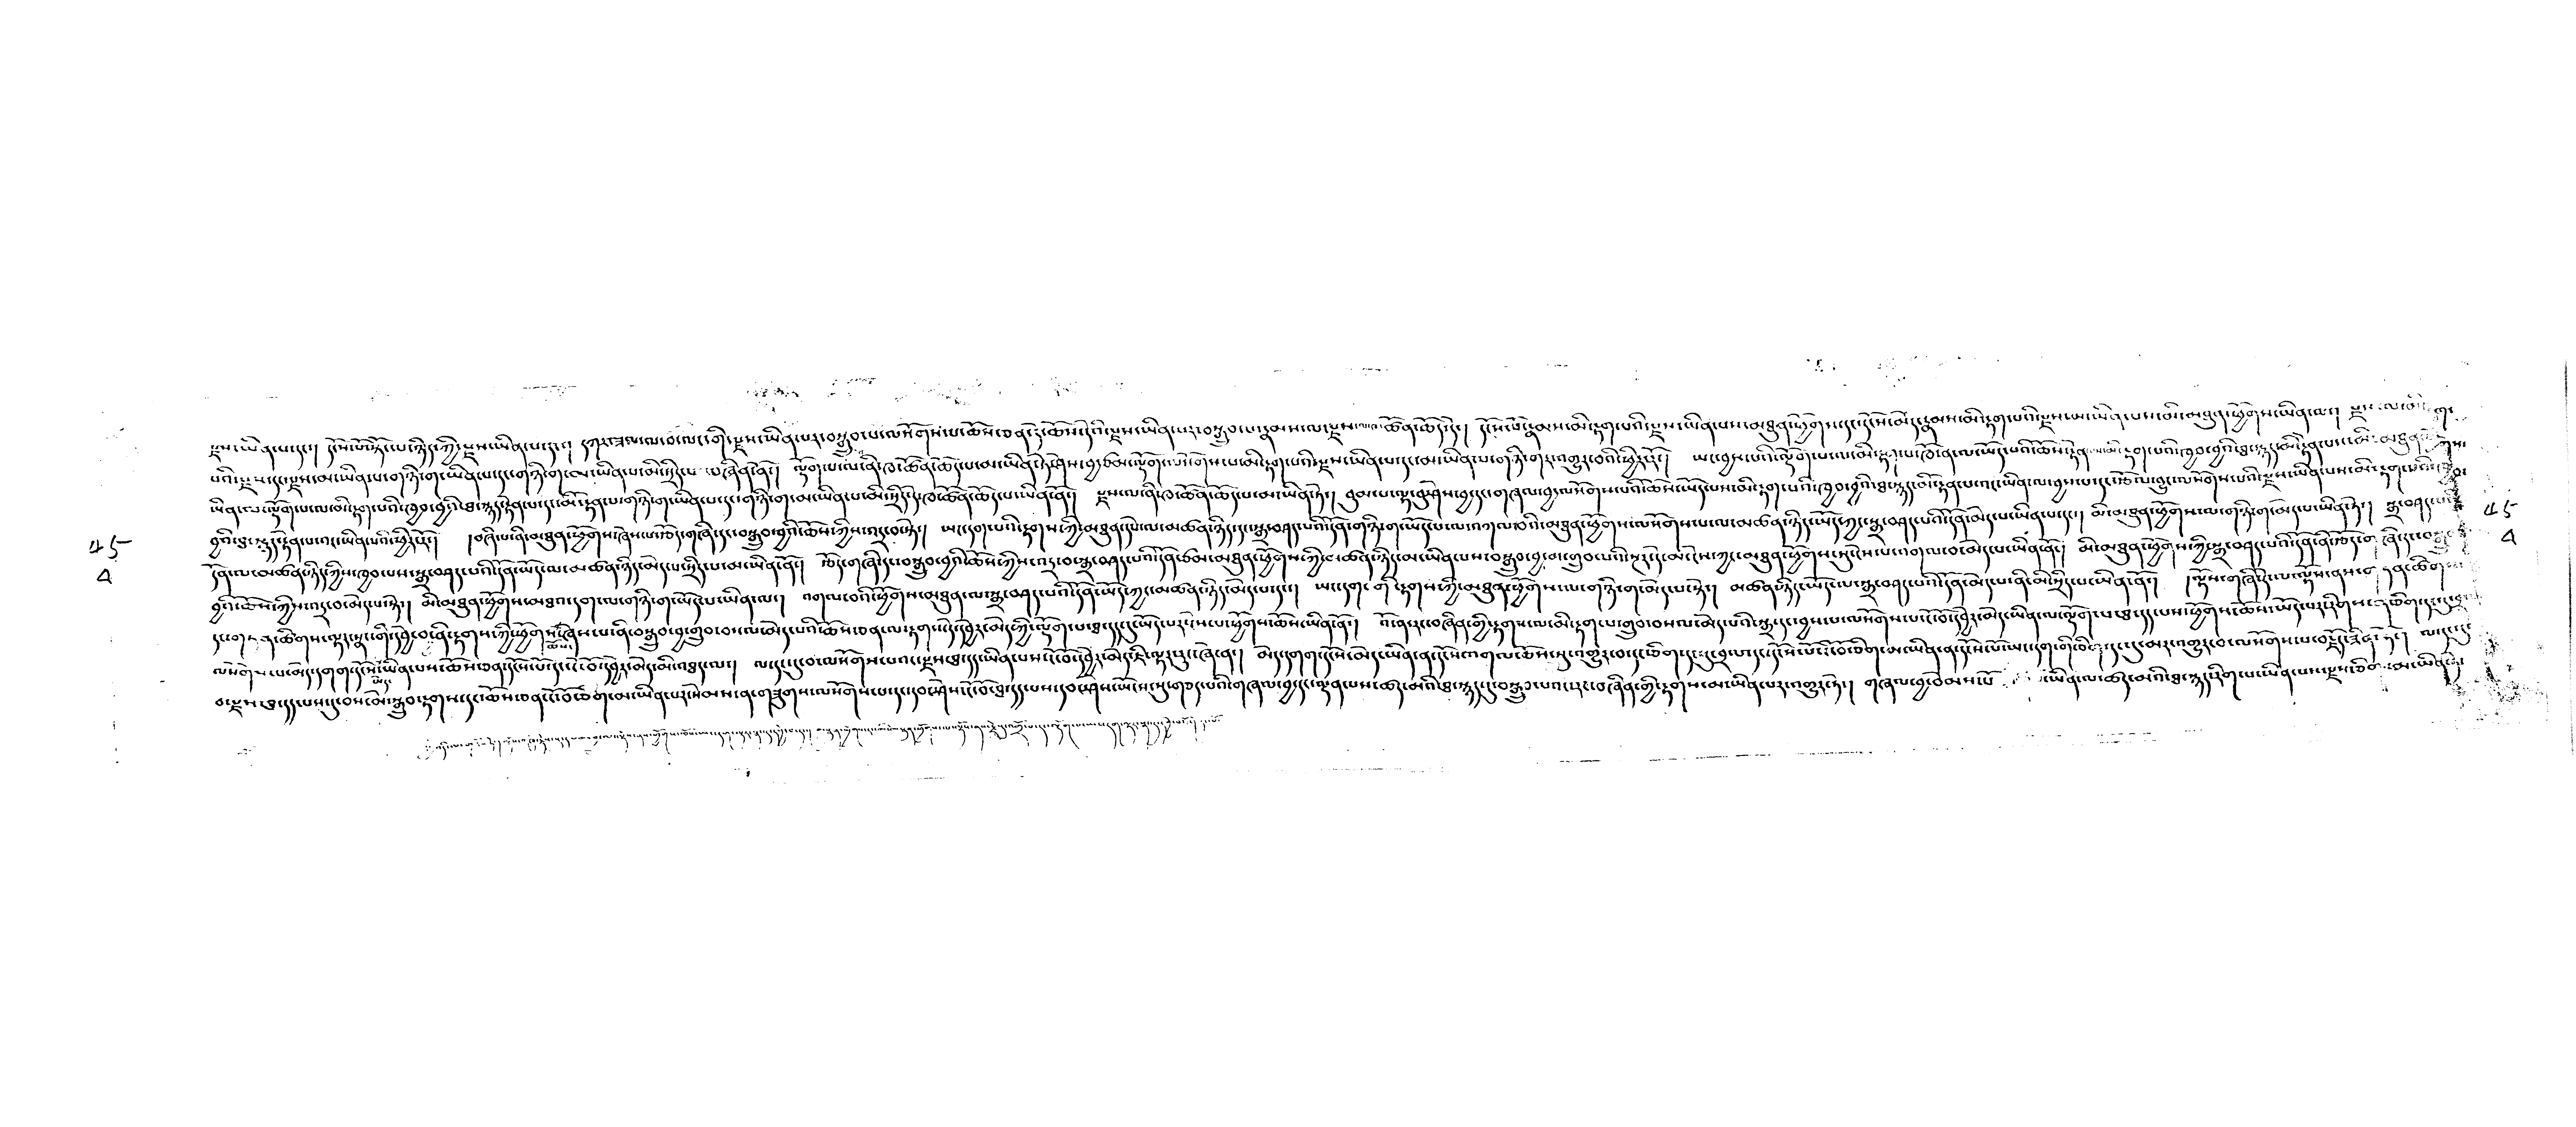རྫས་ཡིན་པ་དང་། དངོས་པོ་སྟོང་པ་ཉིད་ཀྱི་རྫས་ཡིན་པ་དང་། དཀར་ཟས་ལ་བ་ལང་གི་རྫས་ཡིན་པར་བསྒྲུབ་པ་ལ་སོགས་པ་ཆོས་ཅན་དེ་ཆོས་དེའི་རྫས་ཡིན་པར་བསྒྲུབ་པ་རྣམས་ལ་རྫས་ལ་མཚོན་ཆོད་དེ། དངོས་པོ་རྣམས་མི་རྟག་པའི་རྫས་ཡིན་པས་མཐུན་ཕྱོགས་དང་དངོས་པོ་མེད་རྣམས་མི་རྟག་པའི་རྫས་པ་ཡིན་པས་ཆོས་མཐུན་ཕྱག་ཡན་ལག་?
པའི་རྫས་དང་རྫས་མ་ཡིན་པ་གཉི་ག་ཡིན་པ་དང་གཉི་ག་མ་ཡིན་པ་མི་སྲིད་པ་བཞིན་ནོ། ལྡོག་པ་ལ་ནི་མཚོན་ཆོད་པ་མ་ཡིན་ཏེ་ཤེས་བྱ་ཙམ་ལྡོག་ལ་སོགས་པ་མི་རྟག་པའི་རྫས་ཡིན་པ་དང་མ་ཡིན་པ་གཉི་གར་འགྱུར་བའི་ཕྱིར་རོ། ཡང་བྱས་པའི་ལྡོག་པ་ལ་མི་རྟགས་ཁོ་ན་ལ་ཡོད་པའི་ཆོས་རྟེན་ལ?་མི་རྟག་པའི་ཁྱབ་བྱའི་ཐ་སྙད་མི་རྟེན་པས་མི་མཐུན་?
ཡིན་ལ་ལྡོག་པ་ལ་མི་རྟག་པའི་ཁྱབ་བྱའི་ཐ་སྙད་རྟེན་པ་དང་མི་རྟེན་པ་གཉི་ག་ཡིན་པ་དང་གཉི་ག་མ་ཡིན་པ་མི་སྲིད་དེ་ཁ་ཚོན་ཆོད་པ་ཡིན་ནོ། རྫས་ལ་ནི་ཁ་ཚོན་ཆོད་པ་མ་ཡིན་ཏེ། བུམ་པ་ལྟ་བུ་ཤེས་བྱ་དང་གཞལ་བྱ་ལ་སོགས་པའི་ཆོས་ཡོད་པས་མི་རྟག་པའི་ཁྱབ་བྱའི་ཐ་སྙད་མི་རྟེན་པ་འང་ཡིན་ལ་བྱས་པ་དང་རྩོལ་བྱུང་ལ་སོགས་པའི་རྫས་ཡིན་པས་མི་རྟག་པའི་?
བྱའི་ཐ་སྙད་རྟེན་པ་འང་ཡིན་པའི་ཕྱིར་རོ། །བཞི་པ་ནི་མཐུན་ཕྱོགས་ཞེས་པ་རྩོད་གཞི་དང་བསྒྲུབ་བྱའི་ཆོས་ཀྱིས་འདྲ་བ་སྟེ། ཡང་དག་པའི་རྟགས་ཀྱི་མཐུན་དཔེ་ལ་མཚན་ཉིད་དང་སྒྲ་བཤད་པའི་དོན་གཉི་ག་ཡོད་པ་ལ་བཀལ་བའི་མཐུན་ཕྱོགས་ལ་སོགས་པ་ལ་མཚན་ཉིད་ཡོད་ཀྱང་སྒྲ་བཤད་པའི་དོན་མེད་པ་ཡིན་པ་དང་། མི་མཐུན་ཕྱོགས་ལ་གཉི་ག་མེད་པ་ཡིན་ཏེ། སྒྲ་བཤད་པ་
དོན་ལ་མཚན་ཉིད་ཀྱིས་ཁྱབ་པས་སྒྲ་བཤད་པའི་དོན་ཡོད་ལ་མཚན་ཉིད་མེད་པ་སྲིད་པ་མ་ཡིན་ནོ། རྩོད་གཞི་དང་བསྒྲུབ་བྱའི་ཆོས་ཀྱིས་འདྲ་བ་སྒྲ་བཤད་པའི་དོན་ཙམ་མཐུན་ཕྱོགས་ཀྱིས་མཚན་ཉིད་མ་ཡིན་པས་བསྒྲུབ་བྱ་མ་གྲུབ་པའི་སྔར་དེ་མ་ངེས་ཀྱང་མཐུན་ཕྱོགས་སུ་ངེས་པ་འགལ་བ་མེད་པ་ཡིན་ནོ། མི་མཐུན་ཕྱོགས་ཀྱི་སྒྲ་བཤད་པའི་དོན་ནི་རྩོད་གཞི་དང་བསྒྲུབ་
བྱའི་ཆོས་ཀྱིས་འདྲ་བ་མེད་པ་སྟེ། མི་མཐུན་ཕྱོགས་མཐའ་དག་ལ་གཉི་ག་ཡོད་པ་ཡིན་ལ། འགལ་བའི་ཕྱོགས་མཐུན་ལ་སྒྲ་བཤད་པའི་དོན་ཡོད་ཀྱང་མཚན་ཉིད་མེད་པ་དང་། ཡང་དག་གི་རྟགས་ཀྱི་མཐུན་ཕྱོགས་ལ་གཉི་ག་མེད་པ་སྟེ། མཚན་ཉིད་ཡོད་ལ་སྒྲ་བཤད་པའི་དོན་མེད་པ་ནི་མི་སྲིད་པ་ཡིན་ནོ། །ལྟོས་གཞི་དེ་ལ་ལྟོས་ནས་གཏན་ཚིགས་
དང་གཏན་ཚིགས་ལྟར་སྣང་གི་དབྱེ་བ་ནི་རྟགས་ཀྱི་ཕྱོགས་ཆོས་ཞེས་པ་ནི་བསྒྲུབ་བྱ་གྲུབ་བསལ་མེད་པའི་ཆོས་ཅན་ལ་རྟགས་དེ་དབྱེར་མེད་ཀྱི་ལྡོག་པ་ཐ་དད་དུ་ཡོད་པར་ངེས་པ་ཕྱོགས་ཆོས་ཡིན་ནོ། འོ་ན་རང་བཞིན་གྱི་རྟགས་ལ་མི་རྟག་པ་གྲུབ་བསལ་མེད་པའི་སྒྲ་དང་བྱས་པ་ལ་སོགས་པ་ངོ་བོ་དབྱེར་མེད་ཡིན་ལ་ལྡོག་པ་ཐ་དད་པས་ཕྱོགས་ཆོས་ཡོད་པར་རིགས་གཅིག་དང་དུ་བྲ་
ལ་སོགས་པ་མེད་དགག་དངོས་མེད་ཡིན་པས་ཆོས་ཅན་དངོས་པོ་དང་ངོ་བོ་དབྱེར་མེད་མི་འཐད་ལ། ལ་དང་དུ་བ་ལ་སོགས་པའང་རྫས་ཐ་དད་ཡིན་པས་ངོ་བོ་དབྱེར་མེད་ཇི་ལྟར་རུང་ཞེ་ན། མེད་དགག་དངོས་མེད་ཡིན་ན་དངོས་འགལ་ཆོས་སུ་འགྱུར་བ་དང་ཅིག་དང་སུ་བྲལ་དང་དངོས་པོ་ངོ་བོ་ཅིག་མ་ཡིན་ན་དངོས་པོ་ཡང་དག་གི་ཅིག་དང་དུ་མར་འགྱུར་བ་ལ་སོགས་པ་བརྗོད་ཟེར་ཏེ། ?་དང་དུ་
བ་རྫས་ཐ་དད་པས་དུ་བས་མེ་སྒྲུབ་རྟགས་དང་ཆོས་ཅན་ངོ་བོ་ཅིག་མ་ཡིན་པར་སེམས་ན་གཟུགས་ལ་སོགས་པ་དང་དབང་ཤེས་ངོ་བོ་ཐ་དད་པས་དབང་ཤེས་ཡོངས་སུ་གཅད་པའི་གཞལ་བྱ་དང་ལྡན་པས་ཚད་མའི་ཐ་སྙད་དུ་བསྒྲུབ་པའང་རང་བཞིན་གྱི་རྟགས་མ་ཡིན་པར་འགྱུར་ཏེ། གཞལ་བྱ་བེམས་པོ་?་ཡིན་ལ་ཚད་མའི་ཐ་སྙད་རིག་པ་ཡིན་པས་རྫས་ཅིག་མ་ཡིན་ཏེ།